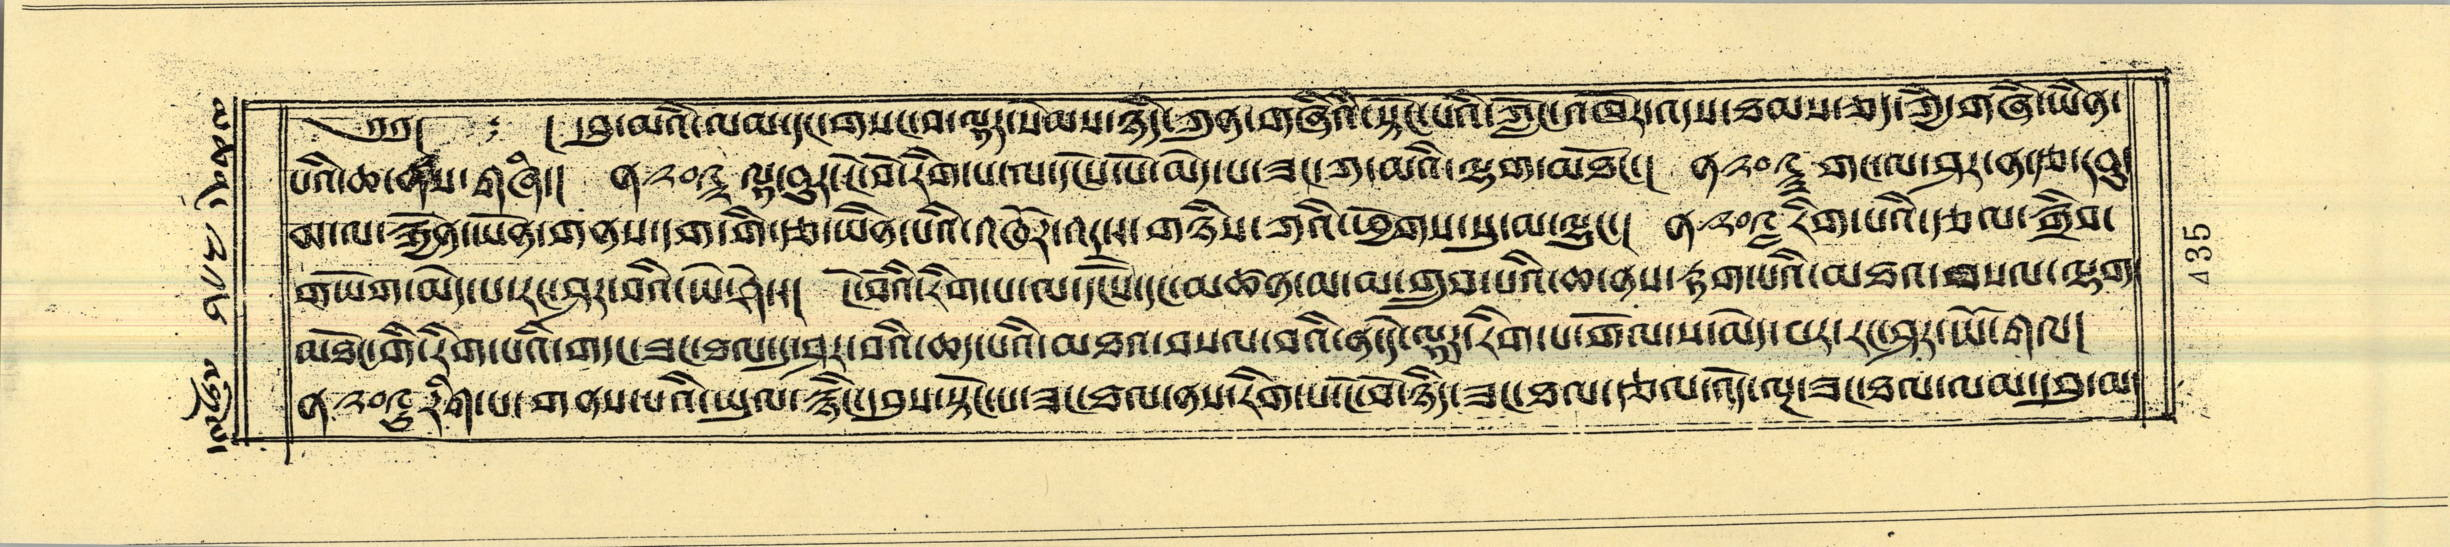དབུ་མའི་ལམ་དང་གསང་བ་ལྟར་སེམས་ཉིད་ཀུན་གཞིའི་སྟོང་པའི་ཀློང་འཁོར་འདས་ཐམས་ཅད་ཀྱི་གཞི་ཡིན་
པའི་ཆ་ནས་༼གཞི༽ན༢༠༩།༢༼ལྟ་བུར༽ངོ་བོ་རིག་པ་ལ་དངོས་པོ་མེད་པ་ཟང་ཀ་མའི་ལྷག་མཐོང་ན༢༠༩།༣གང་ལ་ཤར་ན་རྩ་༼དབུ་
མ༽ལ་སྐྱོན་ཡོན་གནས་དག་གི་རྩ་ཡིན་པས་༼འཁོར་འདས༽གཉིས་ཀའི་ཕྱོགས་སུ་མ་ལྷུང་ན༢༠༩།༤རིག་པའི་རྩལ་སྒྲིབ་
གཡོགས་མེད་པར་ཤར་བའི་ཡེ་ཤེས། ངོ་བོའི་རིག་པ་ལ་དངོས་པོ་དང་མཚན་མ་མ་གྲུབ་པའི་ཆ་ནས་རྟག་པའི་མཐའ་བསལ། ལྷག་
མཐོང་གི་རིག་པའི་གདང་ཟང་ཐལ་དུ་ཤར་བའི་ཆད་པའི་མཐའ་བསལ་བའི་ན་དེ་ལྟར་རིག་པ་གོལ་ས་མེད་པར་༼རང་ཤར་ཡོ་གལ།
ན༢༠༩།༦༼རིག་པ༽གནས་པའི་ཡུལ་སྙིང་དབུས་སྟོང་པ་ཟང་ཐལ་ནས་རིག་པ་ངོ་བོ་ཉིད་ཟང་ཐལ་རྩལ་འོད་ལྔ་ཟང་ཐལ་ལམ་དབུ་མ་